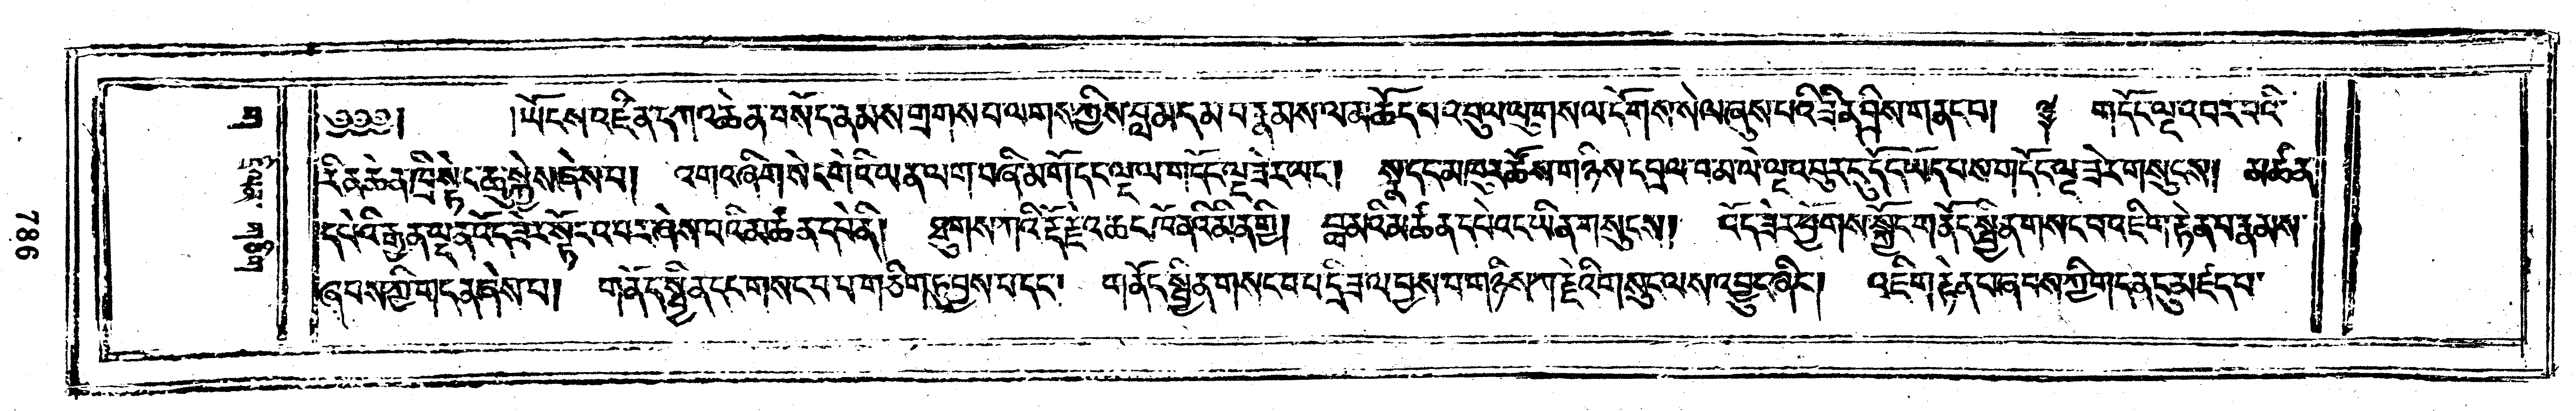༄༅༅། །ཡོངས་འཛིན་དཀའ་ཆེན་བསོད་ནམས་གྲགས་པ་ལགས་ཀྱིས་བླ་མ་དམ་པ་རྣམས་ལ་མཆོད་པ་འབུལ་ལུགས་ལ་དོགས་སེལ་ཞུས་པའི་ཟིན་བྲིས་གནང་བ། ༈ གདོང་ལྔ་འབར་བའི་
རིན་ཆེན་ཁྲི་སྟེང་ཆུ་སྐྱེས་ཞེས་པ། འགའ་ཞིག་སེང་གེའི་ཡན་ལག་བཞི་མགོ་དང་ལྔ་ལ་གདོང་ལྔ་ཟེར་ཡང་། སྣ་དང་མཁུར་ཚོས་གཉིས་དབྲལ་བ་མ་ལེ་ལྔ་འབུར་དུ་དོད་ཡོད་པས་གདོང་ལྔ་ཟེར་གསུངས། མཚན་
དཔེའི་རྒྱན་ལྡན་འོད་ཟེར་སྟོང་འབར་ཞེས་པའི་མཚན་དཔེ་ནི། ཐུགས་ཀའི་རྡོ་རྗེ་འཆང་ཁོ་ནའི་མིན་གྱི། བླ་མའི་མཚན་དཔེའང་ཡིན་གསུངས། འོད་ཟེར་ཕྱོགས་སྐྱོང་གནོད་སྦྱིན་གསང་བ་འཇིག་རྟེན་པ་རྣམས་
ཞབས་ཀྱི་གདན་ཞེས་པ། གནོད་སྦྱིན་དང་གསང་བ་པ་གཅིག་ཏུ་བྱས་པ་དང་། གནོད་སྦྱིན་གསང་བ་པ་དྲི་ཟ་ལ་བྱས་པ་གཉིས་ཀ་རྗེའི་གསུང་ལས་འབྱུང་ཞིང་། འཇིག་རྟེན་པ་ཞབས་ཀྱི་གདན་དུ་མཛད་པ་